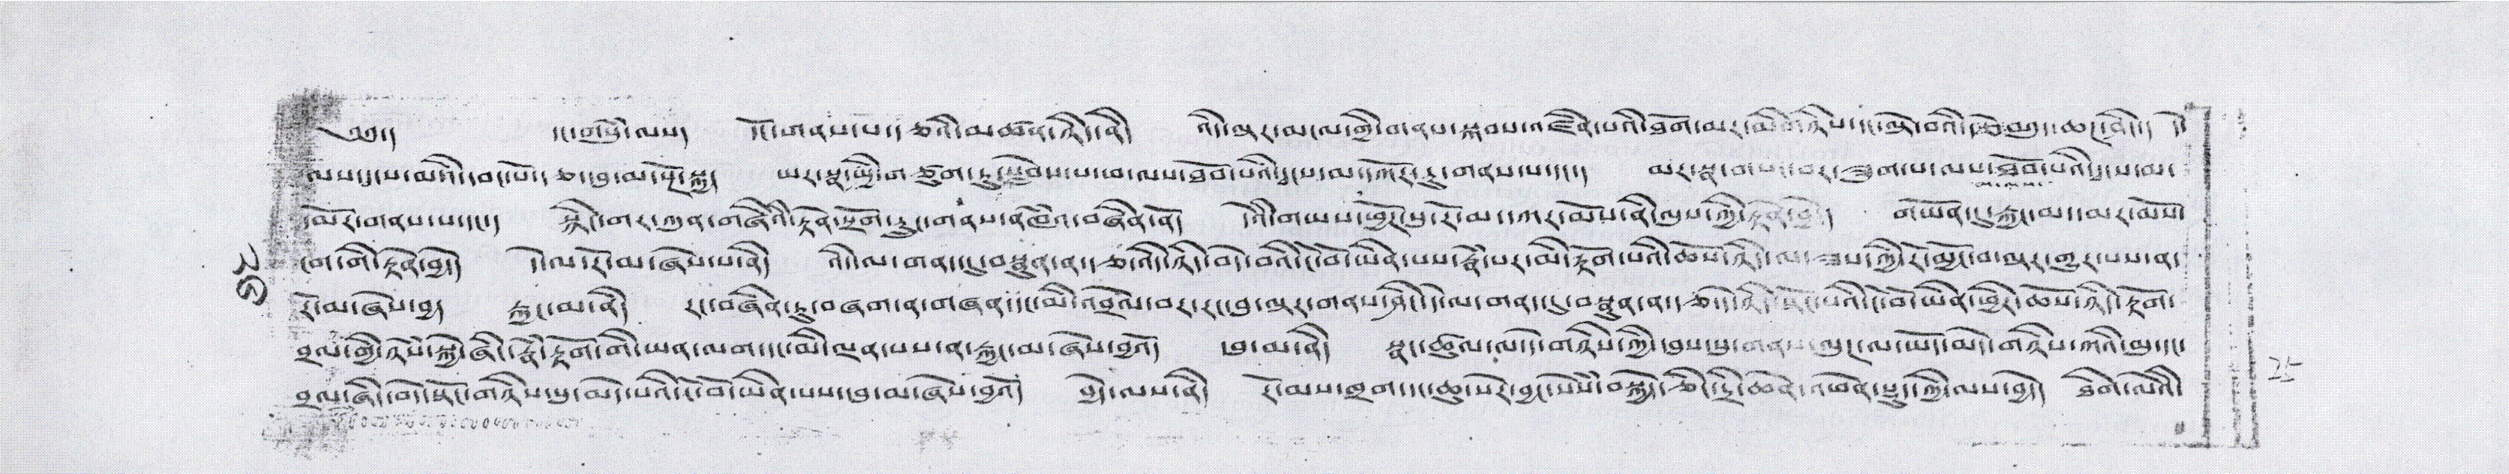དང་གསུམ་ལས། དང་པོ་གནས་པ་རྩ་ཡི་མཚན་ཉིད་ནི། འདི་ལྟར་མངལ་གྱི་གནས་སྐབས་འཛིན་པའི་ཐོག་མར་མིག་གཉིས་དང་ལྟེ་བའི་རྩེ་མདུད་ཆགས་ཤིང་། དེ་
ལས་དྭངས་མའི་དབང་པོ་རྩ་དབུ་མ་སྔོ་སྐྱ་ཡར་སྣ་སྤྱི་གཙུག་ཏུ་སླེབས་པ་ཕ་ལས་ཐོབ་པའི་དྭང་མ་དཀར་པོ་རུ་གནས་པ་དང་། མར་སྣ་གསང་བར་ཟུག་པ་མ་ལས་ཐོབ་པའི་དྭངས་མ་
དམར་པོར་གནས་པ་དང་། སྙིང་གར་ཀུན་གཞིའི་རྟེན་སྲོག་རླུང་གནས་ནམ་མཁའ་བཞིན་ནོ། དེའི་གཡས་ཕྱོགས་སུ་རོ་མ་དཀར་མོས་ནི་ལུས་ཀྱི་རྟེན་བྱེད། གཡོན་དུ་རྐྱང་མ་དམར་མོས་
ངག་གི་རྟེན་བྱེད། དེ་ལ་རོ་མ་ཞེས་པ་ནི། འདི་ལ་གནད་དུ་བསྣུན་ན་རྩ་འདི་ཉིད་བདེ་བའི་ངོ་བོ་ཡིན་པས་རྣམ་པར་མི་རྟོག་པའི་ཆོས་ཉིད་ལ་ཟས་ཀྱི་རོ་མྱོང་བ་ལྟར་གྱུར་པས་ན་
རོ་མ་ཞེས་བྱ། རྐྱང་མ་ནི། རང་བཞིན་དུ་བཞག་ན་གཞན་དང་མི་འབྲེལ་བར་རང་བུ་གར་གནས་ཤིང་དེ་ལ་གནད་དུ་བསྣུན་ན་རྩ་དེ་ཉིད་སྟོང་པའི་ངོ་བོ་ཡིན་ཕྱིར་ཆོས་ཉིད་རྟོག་
བྲལ་གྱི་ཉམས་སྐྱེ་ཞིང་རྣམ་རྟོག་གི་ཡན་ལག་དང་མི་ལྡན་པས་ན་རྐྱང་མ་ཞེས་བྱའོ། དབུ་མ་ནི། སྣང་ཚུལ་ལ་དེ་གཉིས་ཀྱི་དབུས་སུ་གནས་ལུགས་ལ་ཡོད་མེད་གཉིས་ཀའི་མུ་དང་
བྲལ་ཞིང་བདེ་སྟོང་གཉིས་སུ་མེད་པའི་ངོ་བོ་ཡིན་པས་དབུ་མ་ཞེས་བྱའོ། བྱེད་ལས་ནི། རོ་མས་ཁྲག་དང་ཆུ་སེར་བྱང་སེམས་བསྐྱེད་ཅིང་དྲི་ཆེན་འཕེན་སྡུད་ཀྱི་ལས་བྱེད། ཐིག་ལེའི་